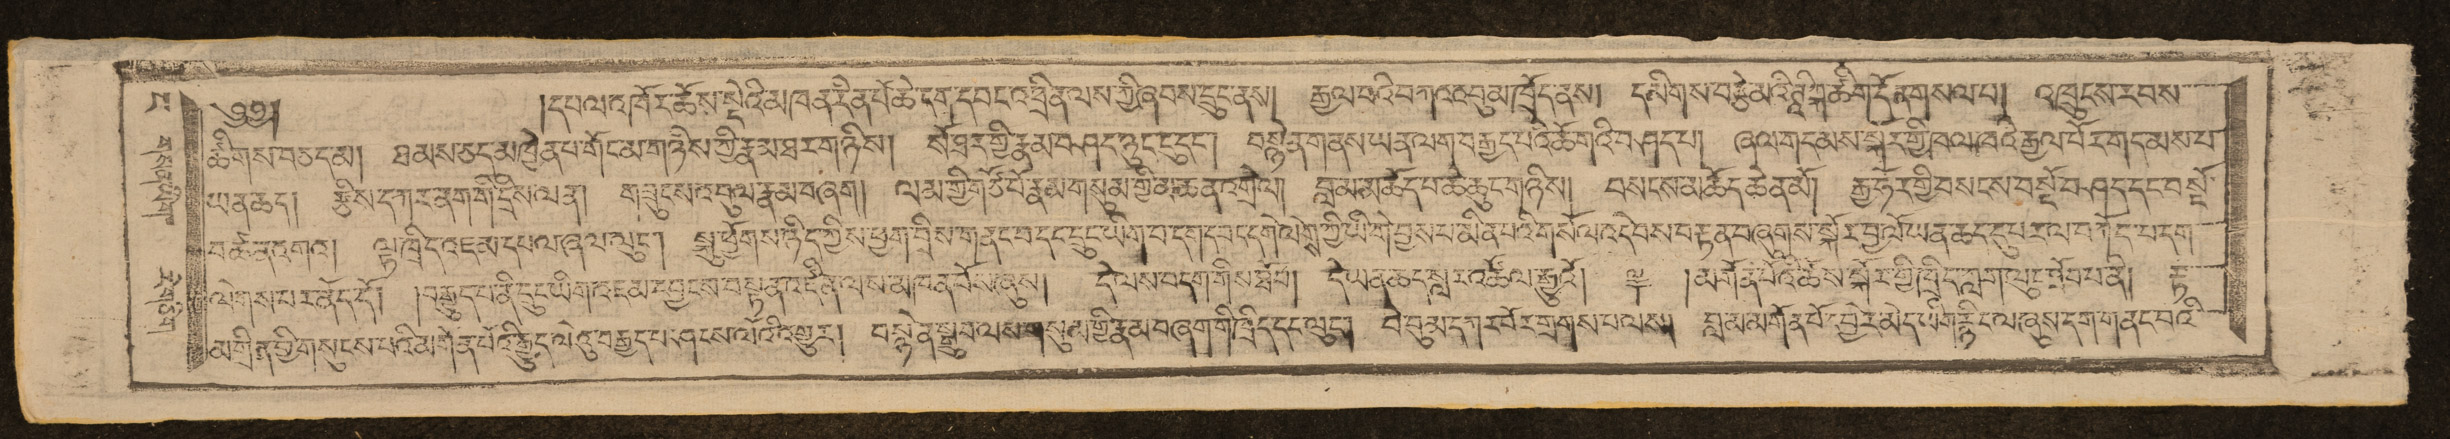༄༅། །དཔལ་འཁོར་ཆོས་སྡེའི་མཁན་རིན་པོ་ཆེ་དང་དབང་འཕྲིན་ལམ་གྱི་ཞབས་དྲུང་ནས། རྒྱལ་བའི་བཀའ་འབུམ་ཁྲོད་ནས། དམིགས་བརྩེ་མའི་ཊཱིཀྐ་ཚིག་དོན་གསལ་པ། འཁྲུངས་རབས་
ཚིགས་བཅད་མ། ཐམས་ཅད་མཁྱེན་པ་གོང་མ་གཉིས་ཀྱི་རྣམ་ཐར་གཉིས། སོ་ཐར་གྱི་རྣམ་བཤད་ཉུང་དུ་དང་། བསྙེན་གནས་ཡན་ལག་བརྒྱད་བའི་ཆོ་གའི་བཤད་པ། ཞལ་གདམས་སྐོར་གྱི་ཁལ་ཁའི་རྒྱལ་པོར་གདམས་པ་
ཡན་ཆད། རྩིས་དཀར་ནག་གི་དྲིས་ལན། གཟུངས་འབུལ་རྣམ་བཞག། ལམ་གྱི་གཙོ་བོ་རྣམ་གསུམ་གྱི་མ་ཆན་འགྲེལ། བླ་མ་མཆོད་པ་ཆེ་ཆུང་གཉིས། བསངས་མཆོད་ཆེན་མོ། རྒྱ་ཧོར་གྱི་བསངས་བསྔོ་བཤད་དང་བསྔོ་
བ་ཚན་འགའ། ལྟ་ཁྲིད་འཇམ་དཔལ་ཞལ་ལུང་། སྐུ་ཕྱོགས་ཉིད་ཀྱིས་ཕྱག་བྲིས་གནང་བ་དང་དྲུང་ཡིག་པ་དག་དབང་དགེ་ལེགས་ཀྱི་ཡི་གེ་བྱས་བ་མིན་པའི་གསོལ་འདེབས་བརྟན་བཞུགས་སྐོར་བྱ་ལོ་ཡན་ཆད་དུ་བར་ལ་བཀོད་པ་དག་
ལེགས་པར་ནོད་དོ། །བརྒྱུད་པ་ནི་དྲུང་ཡིག་འཇམ་དབྱངས་བསྟན་འཛིན་ལས་མཁན་པོས་ཞུས། དེ་ལས་བདག་གིས་ཐོབ། དེ་ཡན་ཆད་སླར་འཚོལ་རྒྱུའོ། ༈ །མགོན་པོའི་ཆོས་སྐོར་གྱི་ཁྲིད་ཀླག་ལུང་ཐོབ་པ་ནི། རྟ་
མགྲིན་གྱི་གསུངས་པའི་མགོན་པོའི་རྒྱུད་ལེའུ་བརྒྱད་པ་ཤངས་ལོའི་འགྱུར། བསྙེན་སྒྲུབ་པ་ལས་གསུམ་གྱི་རྣམ་བཞག་གི་ཁྲིད་དང་ལུང་། བེ་བུམ་དཀར་བོར་གྲགས་པ་ལས། བླ་མ་མགོན་པོ་དབྱེར་མེད་ཡིག་རྙིང་ལ་ཞུས་དག་གནང་བའི་